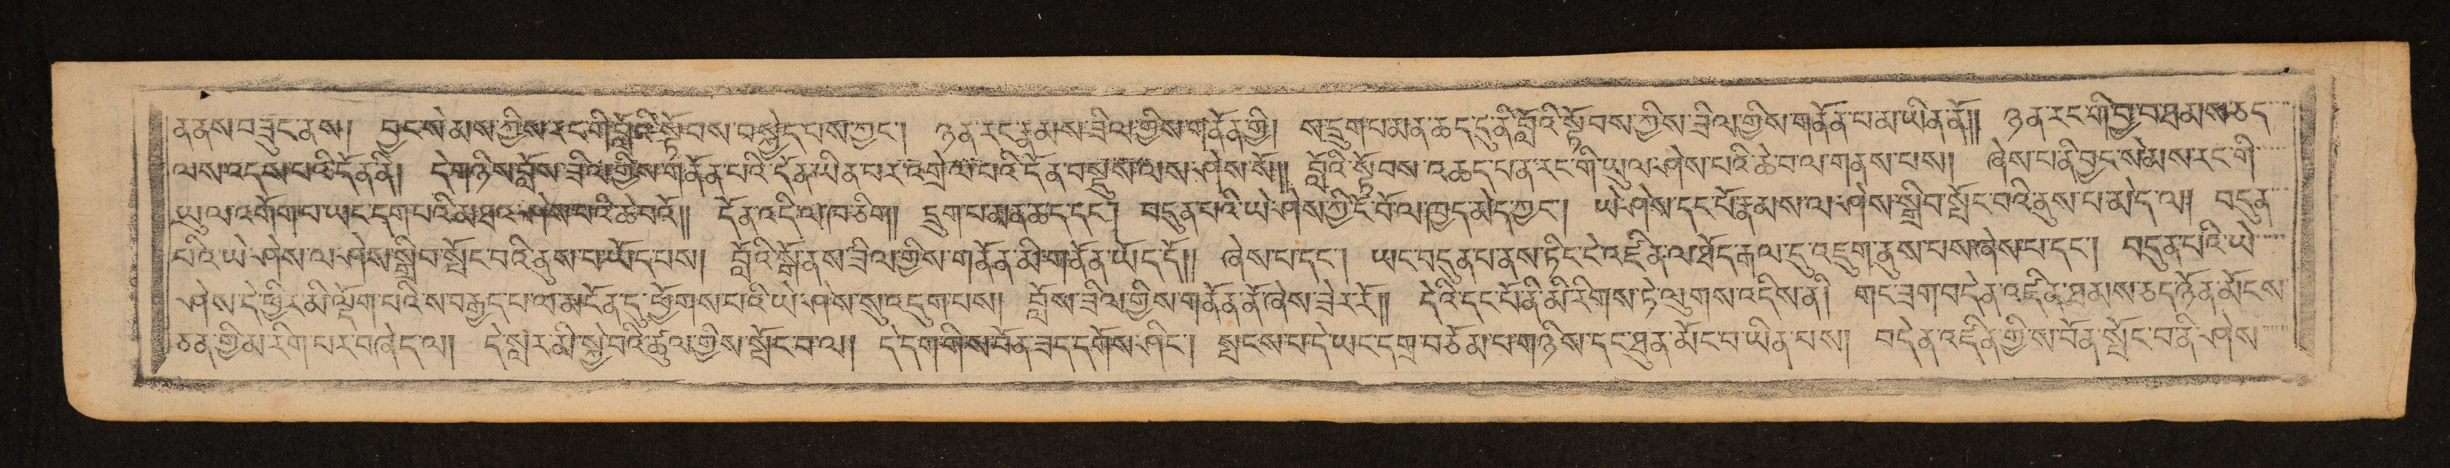ན་ནས་བཟུང་ནས། བྱང་སེམས་ཀྱིས་རང་གི་བློའི་སྟོབས་བསྐྱེད་པས་ཀྱང་། ཉན་རང་རྣམས་ཟིལ་གྱིས་གནོན་གྱི། ས་དྲུག་པ་མན་ཆད་དུ་ནི་བློའི་སྟོབས་ཀྱིས་ཟིལ་གྱིས་གནོན་པ་མ་ཡིན་ནོ།། ཉན་རང་གི་བྱ་བ་ཐམས་ཅད་
ལས་འདས་པའི་དོན་ནི། དེ་གཉིས་བློས་ཟིལ་གྱིས་གནོན་པའི་དོན་ཡིན་པར་འགྲེལ་པའི་དོན་བསྡུས་ལས་ཤེས་སོ།། བློའི་སྟོབས་འཆད་པ་ན་རང་གི་ཡུལ་ཤེས་པའི་ཆེ་བ་ལ་གནས་པས། ཞེས་པ་ནི་བྱང་སེམས་རང་གི་
ཡུལ་འགོག་པ་ཡང་དག་པའི་མཐའ་ཤེས་པའི་ཆེ་བའོ།། དོན་འདི་ལ་ཁ་ཅིག། དྲུག་པ་མན་ཆད་དང་། བདུན་པའི་ཡེ་ཤེས་ཀྱི་ངོ་བོ་ལ་ཁྱད་མེད་ཀྱང་། ཡེ་ཤེས་དང་པོ་རྣམས་ལ་ཤེས་སྒྲིབ་སྤོང་བའི་ནུས་པ་མེད་ལ། བདུན་
པའི་ཡེ་ཤེས་ལ་ཤེས་སྒྲིབ་སྤོང་བའི་ནུས་པ་ཡོད་པས། བློའི་སྒོ་ནས་ཟིལ་གྱིས་གནོན་མི་གནོན་ཡོད་དོ།། ཞེས་པ་དང་། ཡང་བདུན་པ་ནས་ཏིང་ངེ་འཛིན་ལ་ཐོད་རྒལ་དུ་འཇུག་ནུས་པས་ཞེས་པ་དང་། བདུན་པའི་ཡེ་
ཤེས་དེ་ཕྱིར་མི་ལྡོག་པའི་ས་བརྒྱད་པ་ལ་མངོན་དུ་ཕྱོགས་པའི་ཡེ་ཤེས་སུ་འདུག་པས། བློས་ཟིལ་གྱིས་གནོན་ནོ་ཞེས་ཟེར་རོ།། དེའི་དང་པོ་ནི་མི་རིགས་ཏེ་ལུགས་འདིས་ནི། གང་ཟག་བདེན་འཛིན་ཐམས་ཅད་ཉོན་མོངས་
ཅན་གྱི་མ་རིག་པར་བཞེད་ལ། དེ་སླར་མི་སྐྱེ་བའི་ཚུལ་གྱིས་སྤོང་བ་ལ། དེ་དག་གི་ས་བོན་ཟད་དགོས་ཤིང་། སྤངས་པ་དེ་ཡང་དགྲ་བཅོམ་པ་གཉིས་དང་ཐུན་མོང་བ་ཡིན་པས། བདེན་འཛིན་གྱི་ས་བོན་སྤོང་བ་ནི་ཤེས་